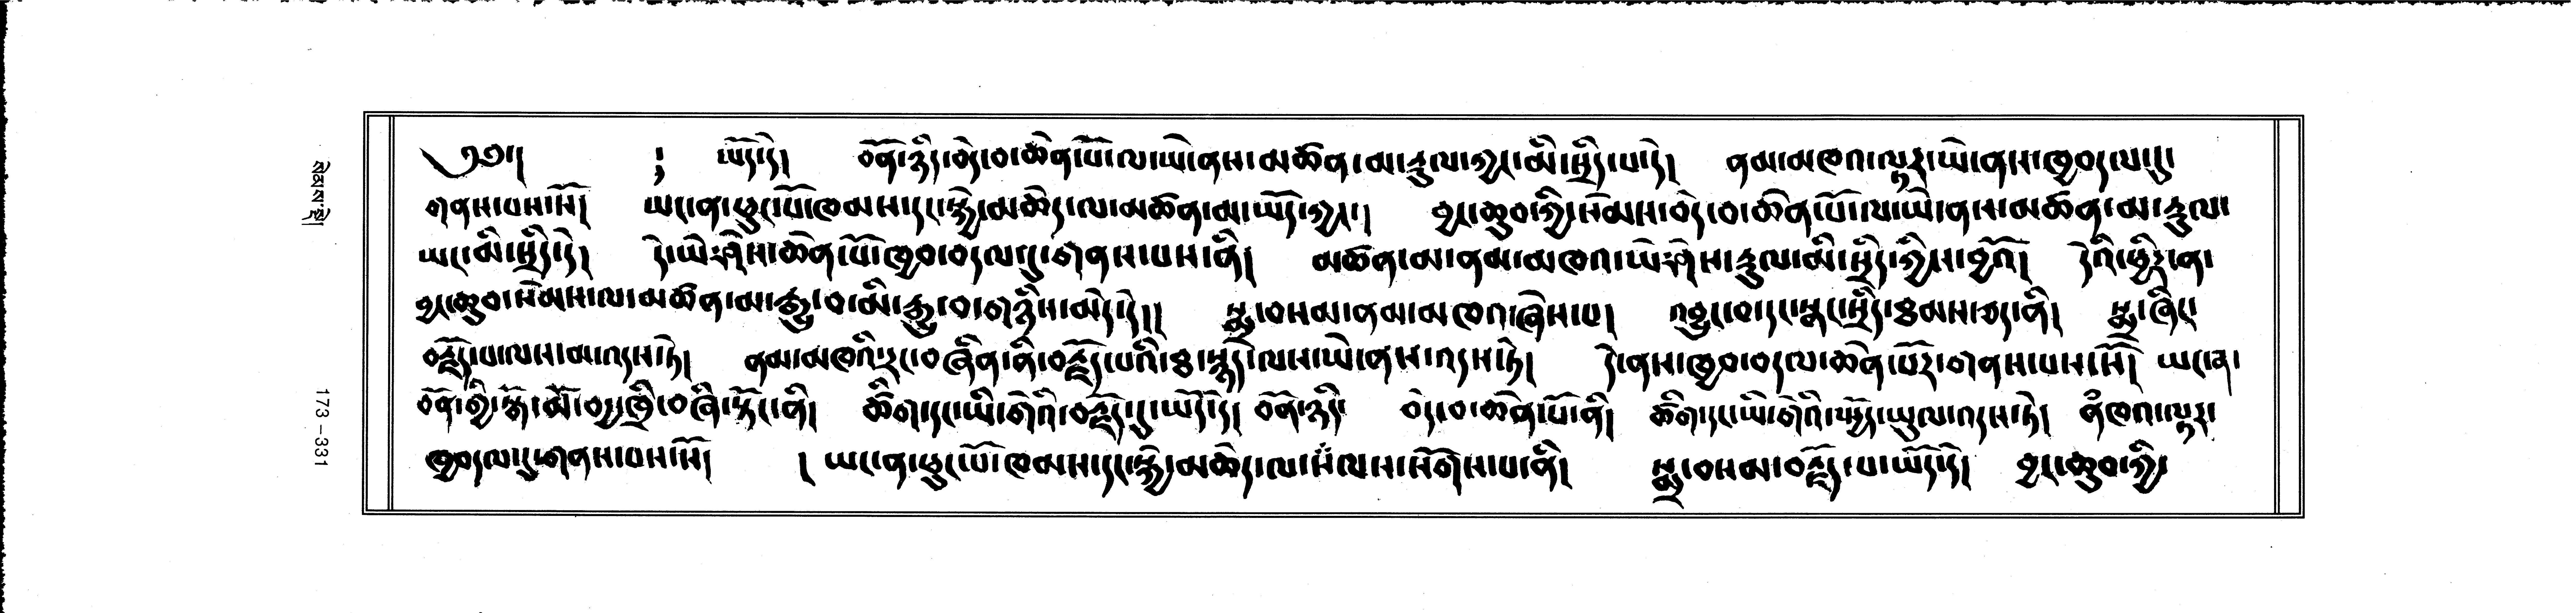ཡོད་དེ། བོན་ཉིད་བདེ་བ་ཆེན་པོ་ལ་ཡེ་ནས་མཚན་མ་རྡུལ་ཀྱང་མི་སྲིད་པ་དེ། ནམ་མཁའ་ལྟར་ཡེ་ནས་ཁྱབ་བདལ་དུ་
གནས་པས་སོ། །ཡང་ན་ཕུང་པོ་ཁམས་དང་སྐྱེ་མཆེད་ལ་མཚན་མ་ཡོད་ཀྱང་། བྱང་ཆུབ་ཀྱི་སེམས་བདེ་བ་ཆེན་པོ་ལ་ཡེ་ནས་མཚན་མ་རྡུལ་
ཡང་མི་སྲིད་དེ། དེ་ཡེ་ཤེས་ཆེན་པོ་ཁྱབ་བདལ་དུ་གནས་པས་ནི། མཚན་མ་ནམ་མཁའ་ཡེ་ཤེས་རྡུལ་མི་སྲིད་ཀྱིས་བྱའོ། །དེའི་ཕྱིར་ན་
བྱང་ཆུབ་སེམས་ལ་མཚན་མ་རྒྱུ་བ་དང་མི་རྒྱུ་བ་གཉིས་མེད་དེ། སྨྲ་བསམ་ནམ་མཁའ་ཞེས་པ། འབྱུང་བ་དང་སྣང་སྲིད་ཐམས་ཅད་ནི། སྨྲ་ཞིང་
བརྗོད་པ་ལས་འདས་ཏེ། ནམ་མཁའི་རང་བཞིན་ནི་བརྗོད་པའི་ཐ་སྙད་ལས་ཡེ་ནས་འདས་ཏེ། དེ་ནས་ཁྱབ་བདལ་ཆེན་པོར་གནས་པས་སོ། །ཡང་ན་
བོན་གྱི་སྒོ་མོ་བརྒྱད་ཁྲི་བཞི་སྟོང་ནི། ཚིག་དང་ཡི་གེའི་བརྗོད་དུ་ཡོད་དེ། བོིན་ཉིད་བདེ་བ་ཆེན་པོ་ནི། ཚིག་དང་ཡི་གེའི་སྤྱོད་ཡུལ་ལས་འདས་ཏེ། ནམ་མཁའ་ལྟར་
ཁྱབ་བདལ་དུ་གནས་པས་སོ། །ཡང་ན་ཕུང་པོ་ཁམས་དང་སྐྱེ་མཆེད་ལས་སོགས་པ་ནི། སྨྲ་བསམ་བརྗོད་པ་ཡོད་དེ། བྱང་ཆུབ་ཀྱི་